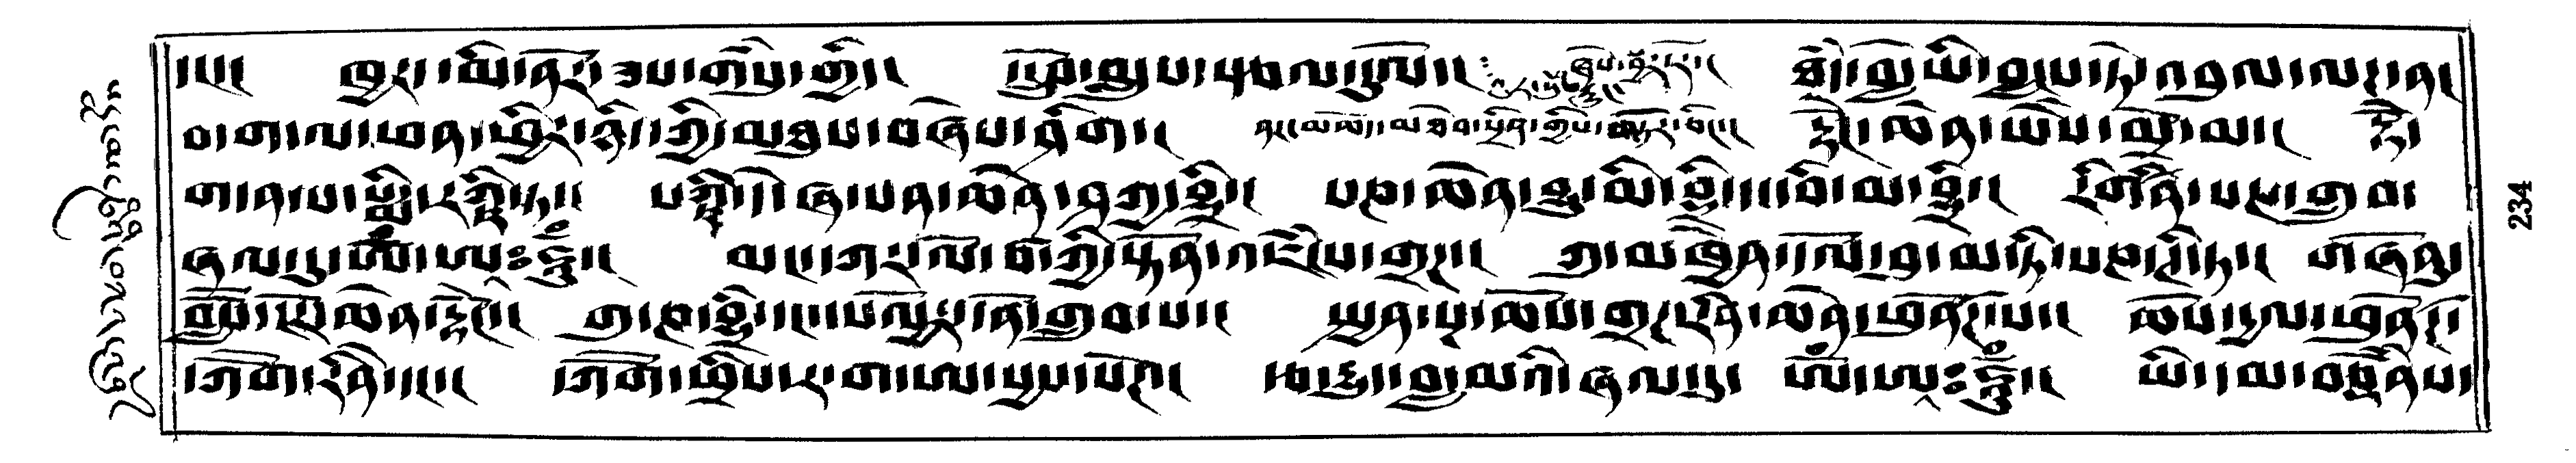དང་། །ཁྱད་པར་མི་ནོར་ཟས་གསུམ་གྱི། །དངོས་གྲུབ་མ་ལུས་བསྩལ་དུ་གསོལ།། ཞེས་སྦྱར་རོ།། ཐམས་ཅད་བློ་ཡི་བླངས་ཏེ་འབུལ་ལགས་ན། །
བདག་ལ་ཕན་ཕྱིར་ཉིད་ཀྱི་མཐུས་བཞེས་ཤིག ། ནང་མཆོད་མཐེབ་སྲིན་གྱིས་གཏོར་ཅིང་། རྡོ་རྗེ་འཆང་ཆེན་ཡེ་ཤེས་མཁའ་འགྲོ་མ། །རྡོ་རྗེ་
གདན་པ་པདྨ་རཀྵི་ཏ། པཀྵི་དེ་ཝ་པན་ཆེན་ཤཱཀྱ་ཤྲྀ། །པཎ་ཆེན་བྷུུ་མི་ཤྲི་དང་བི་མ་ཤྲི། །རིག་འཛིན་པཎ་གྲུབ་
ཞལ་དུ་ཨོཾ་ཨཱཿཧཱུྃ། །མང་དཀར་ལོ་ཙ་ཀྱི་སྟོན་འཇམ་དབྱངས་གྲགས། །ཀུན་མཁྱེན་དོལ་བུ་མ་ཏི་པཎྜི་ཏ། །གཞོན་ནུ་
བློ་གྲོས་ངོར་ཆེན་རྡོ་རྗེ་འཆང་། །གུ་ཎ་ཤྲི་དང་དཔལ་འབྱོར་དོན་གྲུབ་པ། །སྤྱན་སྔ་ཆོས་གྲགས་རིན་ཆེན་ཕུན་ཚོགས་པ། །ཆོས་རྒྱལ་ཕུན་ཚོགས་
དཀོན་མཆོག་རིན་ཆེན་དང་། །དཀོན་མཆོག་ཕྲིན་ལས་ར་ག་ཨ་སྱས་སོགས། །རྩ་རྒྱུད་བླ་མའི་ཞལ་དུ་ཨོཾ་ཨཱཿཧཱུྃ།ཡི་དམ་བཅོམ་ལྡན་འདས་